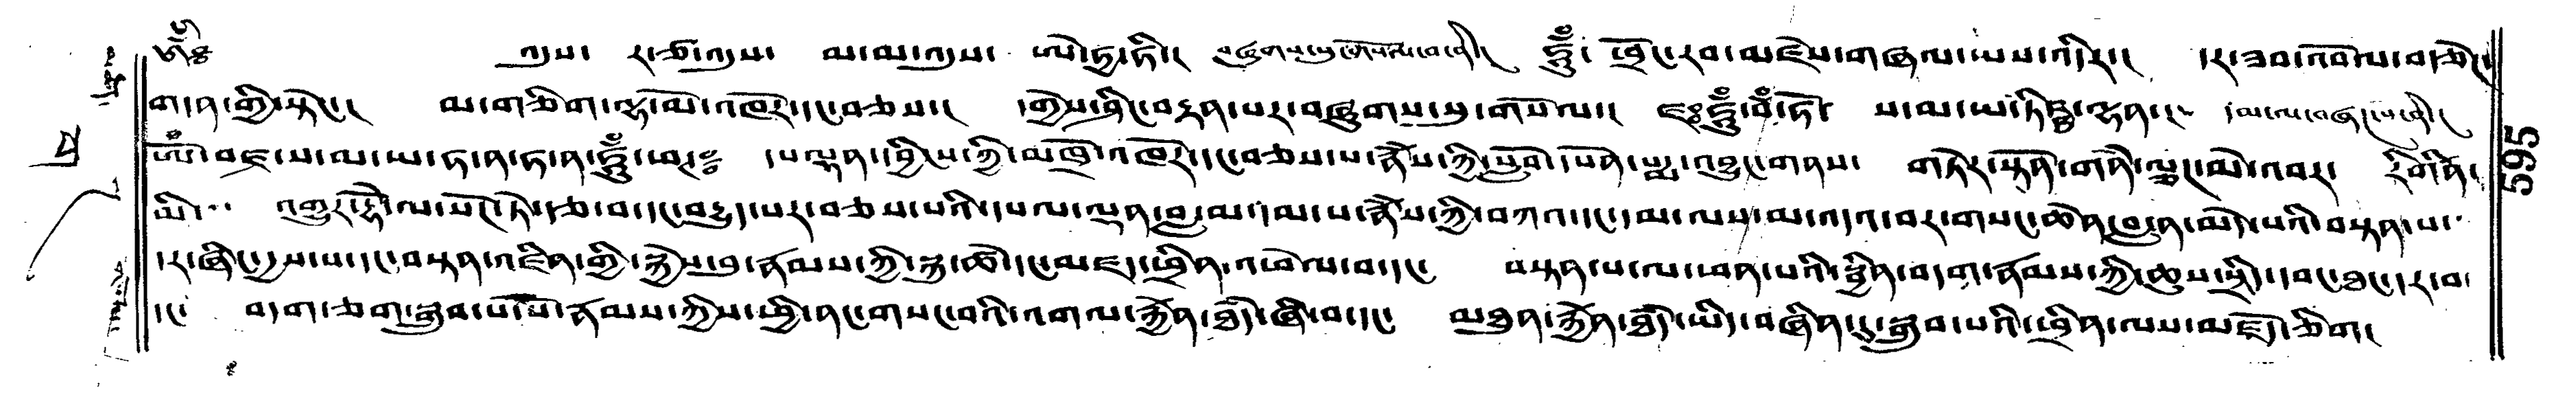འདུས། ར་ཙ་འདུས། མ་མ་འདུས། ཨེ་ཧྱ་ཧི། བཞུགས་སུ་གསོལ་བ་ནི། ཧཱུྃ། ཕོ་བྲང་རབ་མཛེས་གཞལ་ཡས་འདིར། །དར་ཟབ་འབོལ་བརྩེགས་
གདན་གྱི་སྟེང་། །མ་གཅིག་ལྷ་མོ་འཁོར་དང་བཅས། །དགྱེས་ཤིང་བརྟན་པར་བཞུགས་སུ་གསོལ། །ཛཿཧཱུྃ་བྃ་ཧོ། ས་མ་ཡ་ཏིཥྛ་ལྷན། དམ་ལ་བཞག་པ་ནི། 
ཨོཾ་བཛྲ་ས་མ་ཡ་ཧ་ན་ཧ་ན་ཧཱུྃ་ཕཊཿ དཔལ་ལྡན་དབྱིངས་ཀྱི་མམཁའ་འགྲོ་འཁོར་དང་བཅས་པ་རྣམས་ཀྱིས་སློབ་དཔོན་པདྨ་འབྱུང་གནས། གཏེར་སྟོན་གནམ་ལྕགས་མེ་འབར། རིག་འཛིན་
མི་འགྱུར་རྡོ་རྗེ་ལ་སོགས་ཏེ་རྩ་བ་དང་བརྒྱུད་པར་བཅས་པའི་དཔལ་ལྡན་བླ་མ་དམ་པ་རྣམས་ཀྱི་བཀའ་དང་དམ་ལས་མ་འདའ་བར་གསང་ཆེན་བླ་ན་མེད་པའི་བསྟན་པ་
དར་ཞིང་རྒྱས་པ་དང་བསྟན་འཛིན་གྱི་སྐྱེས་བུ་རྣམས་ཀྱི་སྐུ་ཚེ་དང་མཛད་ཕྲིན་འཕེལ་བ་དང་། བསྟན་པ་ལ་ཕན་པའི་སྦྱིན་བདག་རྣམས་ཀྱི་ཆོས་སྲིད་དབང་ཐང་དར་བ་
དང་། བདག་ཅག་སྒྲུབ་པ་པོ་རྣམས་ཀྱི་ཕྱི་ནང་གསང་བའི་འགལ་རྐྱེན་ཐམས་ཅད་ཞི་བ་དང་། མཐུན་རྐྱེན་ཐམས་ཅད་ཡིད་བཞིན་དུ་འགྲུབ་པའི་ཕྲིན་ལས་མཛོད་ཅིག